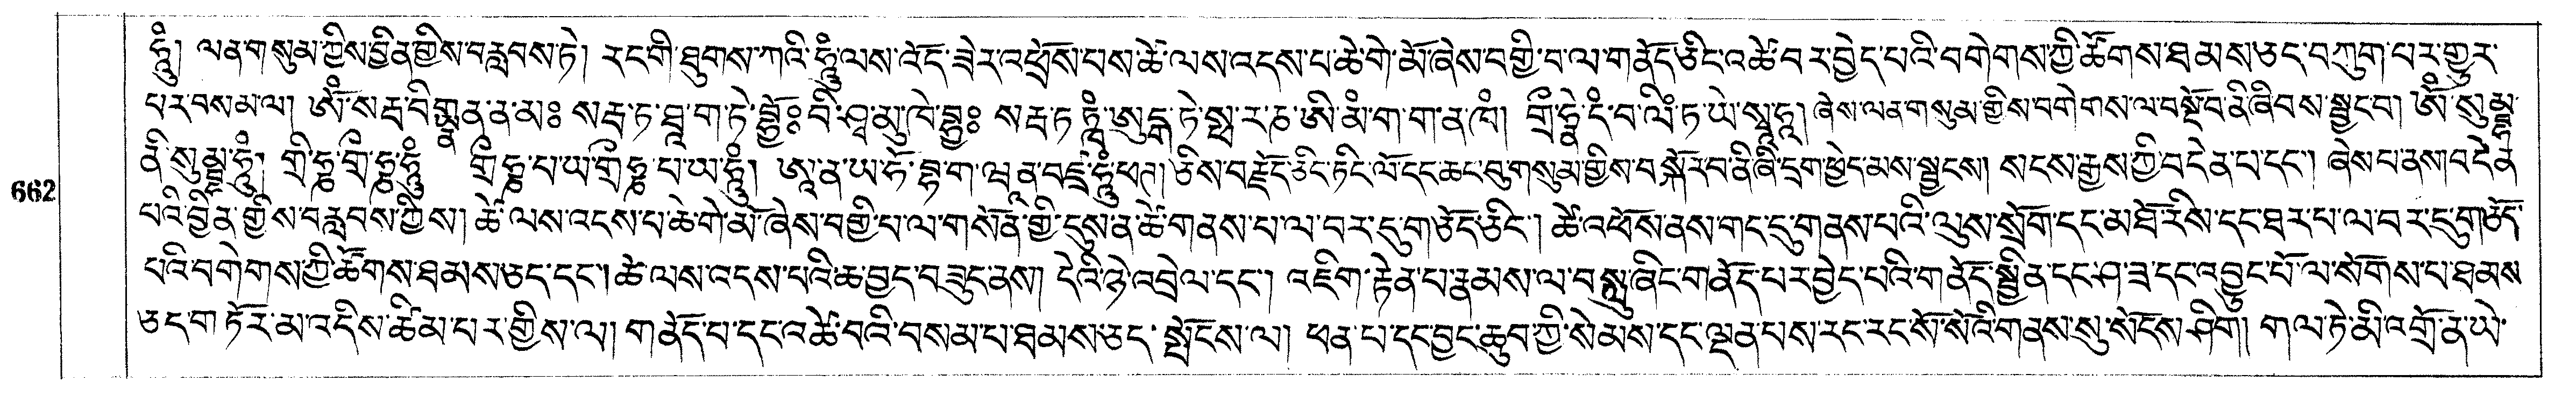ཧཱུཾ། ལན་གསུམ་ཀྱིས་བྱིན་གྱིས་བརླབས་ཏེ། རང་གི་ཐུགས་ཀའི་ཧཱུཾ་ལས་འོད་ཟེར་འཕྲོས་པས་ཚེ་ལས་འདས་པ་ཆེ་གེ་མོ་ཞེས་བགྱི་བ་ལ་གནོད་ཅིང་འཚེ་བར་བྱེད་པའི་བགེགས་ཀྱི་ཚོགས་ཐམས་ཅད་བཀུག་པར་གྱུར་
པར་བསམ་ལ། ཨོཾ་སརྦ་བིགྱནན་ན་མཿ སརྦ་ཏ་ཐཱ་ག་ཏེ་བྷྱོཿ བི་ཤྭ་མ་ཁེ་བྷྱཿ སརྦ་ཏ་ཏྑཾ་ཨུངྒ་ཏེ་སྥ་ར་ཎ་ཨི་མཾ་ག་ག་ན་ཁཾ། ཀྲྀ་ཧྣེ་དཾ་ལ་ཨིཾ་ཏ་ཡེ་སྭཱ་ཧཱ། ཞེས་ལན་གསུམ་གྱིས་བགེགས་ལ་བསྔོ་བ་ནི་ཞིབས་སྦྱངས་བ། ཨོཾ་སུམྦྷ་
ནི་སུམྦྷ་ཧཱུཾ། གྲི་ཧྞ་གྲྀ་ཧྞ་ཧཱུཾ་གྲྀ་ཧྞ་པ་ཡ་གྲྀ་ཧྞ་པ་ཡ་ཧཱུཾ། ཨཱ་ན་ཡ་ཧོ་བྷ་ག་ཝཱན་བྫྲ་ཧཱུཾ་ཕཊ། ཅིས་བརྗོད་ཅིང་ཏིང་ལོ་དང་ཆང་བུ་གསུམ་གྱིས་བསྐོར་བ་ནི་ཞི་དྲག་ཕྱེད་མས་སྦྱངས། སངས་རྒྱས་ཀྱི་བདེན་པ་དང་། ཞེས་པ་ནས། བདེན་
པའི་བྱིན་གྱིས་བརླབས་ཀྱིས། ཚེ་ལས་འདས་པ་ཆེ་གེ་མོ་ཞེས་བགྱི་པ་ལ་གསོན་གྱི་དུས་ན་ཚེ་གནས་པ་ལ་བར་དུ་གཅོད་ཅིང་། ཚེ་འཕོས་ནས་གང་དུ་གནས་པའི་ལུས་སྲོག་དང་མཐོ་རིས་དང་ཐར་པ་ལ་བར་དུ་གཅོད་
པའི་བགེགས་ཀྱི་ཚོགས་ཐམས་ཅད་དང་། ཚེ་ལས་འདས་པའི་ཆ་བྱད་བཟུང་ནས། དེའི་ཉེ་འབྲེལ་དང་། འཇིག་རྟེན་པ་རྣམས་ལ་བསླུ་ཞིང་གནོད་པར་བྱེད་པའི་གནོད་སྦྱིན་དང་ཤ་ཟ་དང་འབྱུང་པོ་ལ་སོགས་པ་ཐམས་
ཅད་གཏོར་མ་འདིས་ཚིམ་པར་གྱིས་ལ། གནོད་པ་དང་འཚེ་བའི་བསམ་པ་ཐམས་ཅད་སྤོངས་ལ། ཕན་པ་དང་བྱང་ཆུབ་ཀྱི་སེམས་དང་ལྡན་པས་རང་རང་སོ་སོའི་གནས་སུ་སོངས་ཤིག །གལ་ཏེ་མི་འགྲོ་ན་ཡེ་